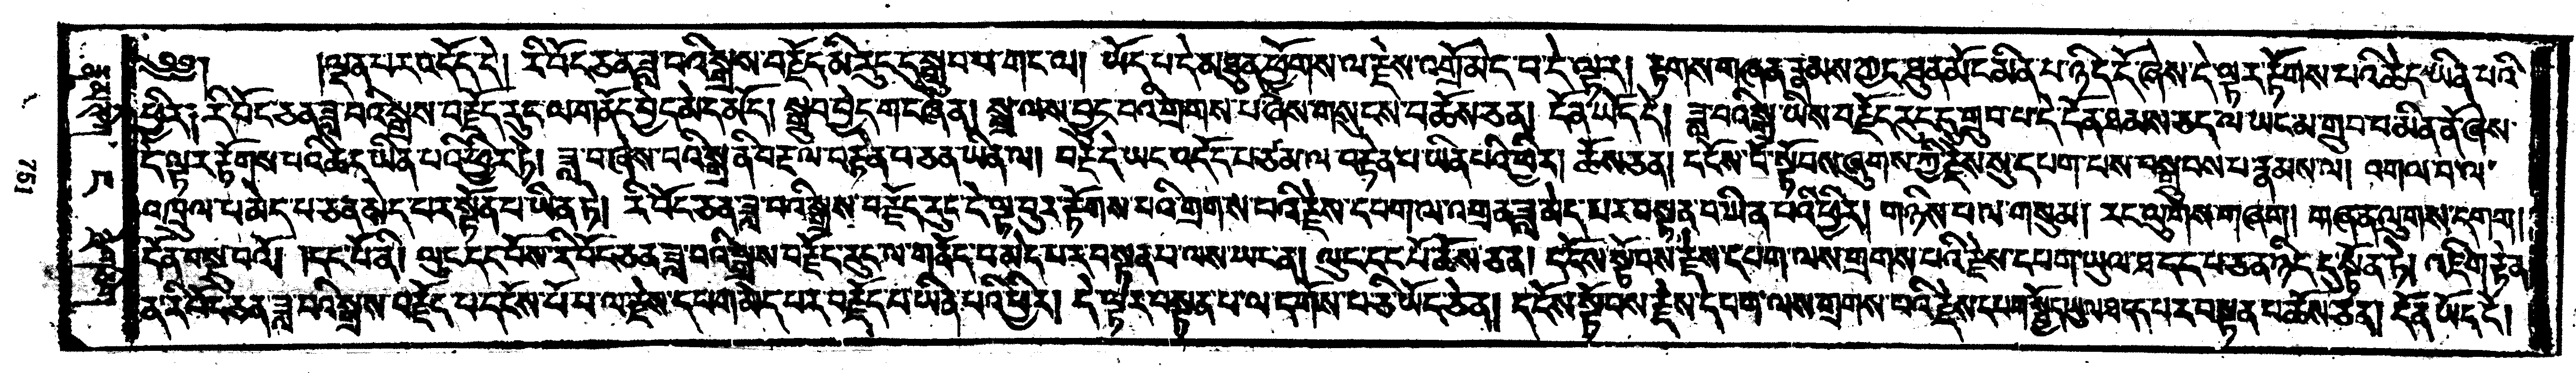༄༅། །ལྡན་པར་འདོད་དེ། རི་བོང་ཅན་ཟླ་བའི་སྒྲས་བརྗོད་མི་རུང་དུ་སྒྲུབ་པ་གང་ལ། ཡོད་པ་དེ་མཐུན་ཕྱོགས་ལ་རྗེས་འགྲོ་མེད་བ་དེ་ལྟར། རྟགས་གཞན་རྣམས་ཀྱང་ཐུན་མོང་མིན་པ་ཉིད་དོ་ཞེས་དེ་ལྟར་རྟོགས་པའི་ཆེད་ཡིན་པའི་
ཕྱིར༑ རི་བོང་ཅན་ཟླ་བའི་སྒྲས་བརྗོད་རུང་ལ་གནོད་བྱེད་མེད་མདོ། སྒྲུབ་བྱེད་གང་ཞེ་ན། སྒྲ་ལས་བྱུང་བའི་གྲགས་པ་ཞེས་གསུངས་པ་ཆོས་ཅན། དོན་ཡོད་དེ། ཟླ་བའི་སྒྲ་ཡིས་བརྗོད་རུང་དུ་གྲུབ་པ་དེ་དོན་ཐམས་ཅད་ལ་ཡང་མ་གྲུབ་བ་མིན་ནོ་ཞེས་
དེ་ལྟར་རྟོགས་པའི་ཆེད་ཡིན་པའི་ཕྱིར་ཏེ། ཟླ་བ་ཞེས་བའི་སྒྲ་ནི་བརྡལ་བརྟེན་བ་ཅན་ཡིན་ལ། བརྡ་དེ་ཡང་འདོད་པ་ཙམ་ལ་བརྟེན་པ་ཡིན་པའི་ཕྱིར། ཆོས་ཅན། དངོས་བོ་སྟོབས་ཞུགས་ཀྱི་རྗེས་སུ་དཔག་པས་བསྒྲུབས་པ་རྣམས་ལ། འགལ་བ་ལ་
འཁྲུལ་པ་མེད་པ་ཅན་མེད་པར་སྟོན་པ་ཡིན་ཏེ། རི་བོང་ཅན་ཟླ་བའི་སྒྲས་བརྗོད་རུང་དེ་ལྟ་བུར་རྟོགས་པའི་གྲགས་པའི་རྗེས་དཔག་ལ་འགྲན་ཟླ་མེད་པར་བསྟན་པ་ཡིན་པའི་ཕྱིར། གཉིས་པ་ལ་གསུམ། རང་ལུགས་གཞག། གཞན་ལུགས་དགག།
དོན་བསྡུ་བའོ། །དང་པོ་ནི། ལུང་དང་བོས་རི་བོང་ཅན་ཟླ་བའི་སྒྲས་བརྗོད་རུང་ལ་གནོད་པ་མེད་པར་བསྟན་པ་ལས་ཡང་ན། ལུང་དང་པོ་ཆོས་ཅན། དངོས་སྟོབས་རྗེས་དཔག་ལས་གྲགས་པའི་རྗེས་དཔག་ཡུལ་ཐ་དད་པ་ཅན་ཉིད་དུ་སྟོན་ཏེ། འཇིག་རྟེན་
ན་རི་བོང་ཅན་ཟླ་བའི་སྒྲས་བརྗོད་པ་དངོས་པོ་པ་ལ་རྗེས་དཔག་མེད་པར་བརྗོད་པ་ཡིན་པའི་ཕྱིར། དེ་ལྟར་བསྟན་པ་ལ་དགོས་པ་ཅི་ཡོད་ཅེ་ན། དངོས་སྟོབས་རྗེས་དཔག་ལས་གྲགས་པའི་རྗེས་དཔག་སྤྱོད་ཡུལ་ཐ་དད་པར་བསྟན་པ་ཆོས་ཅན། དོན་ཡོད་དེ།